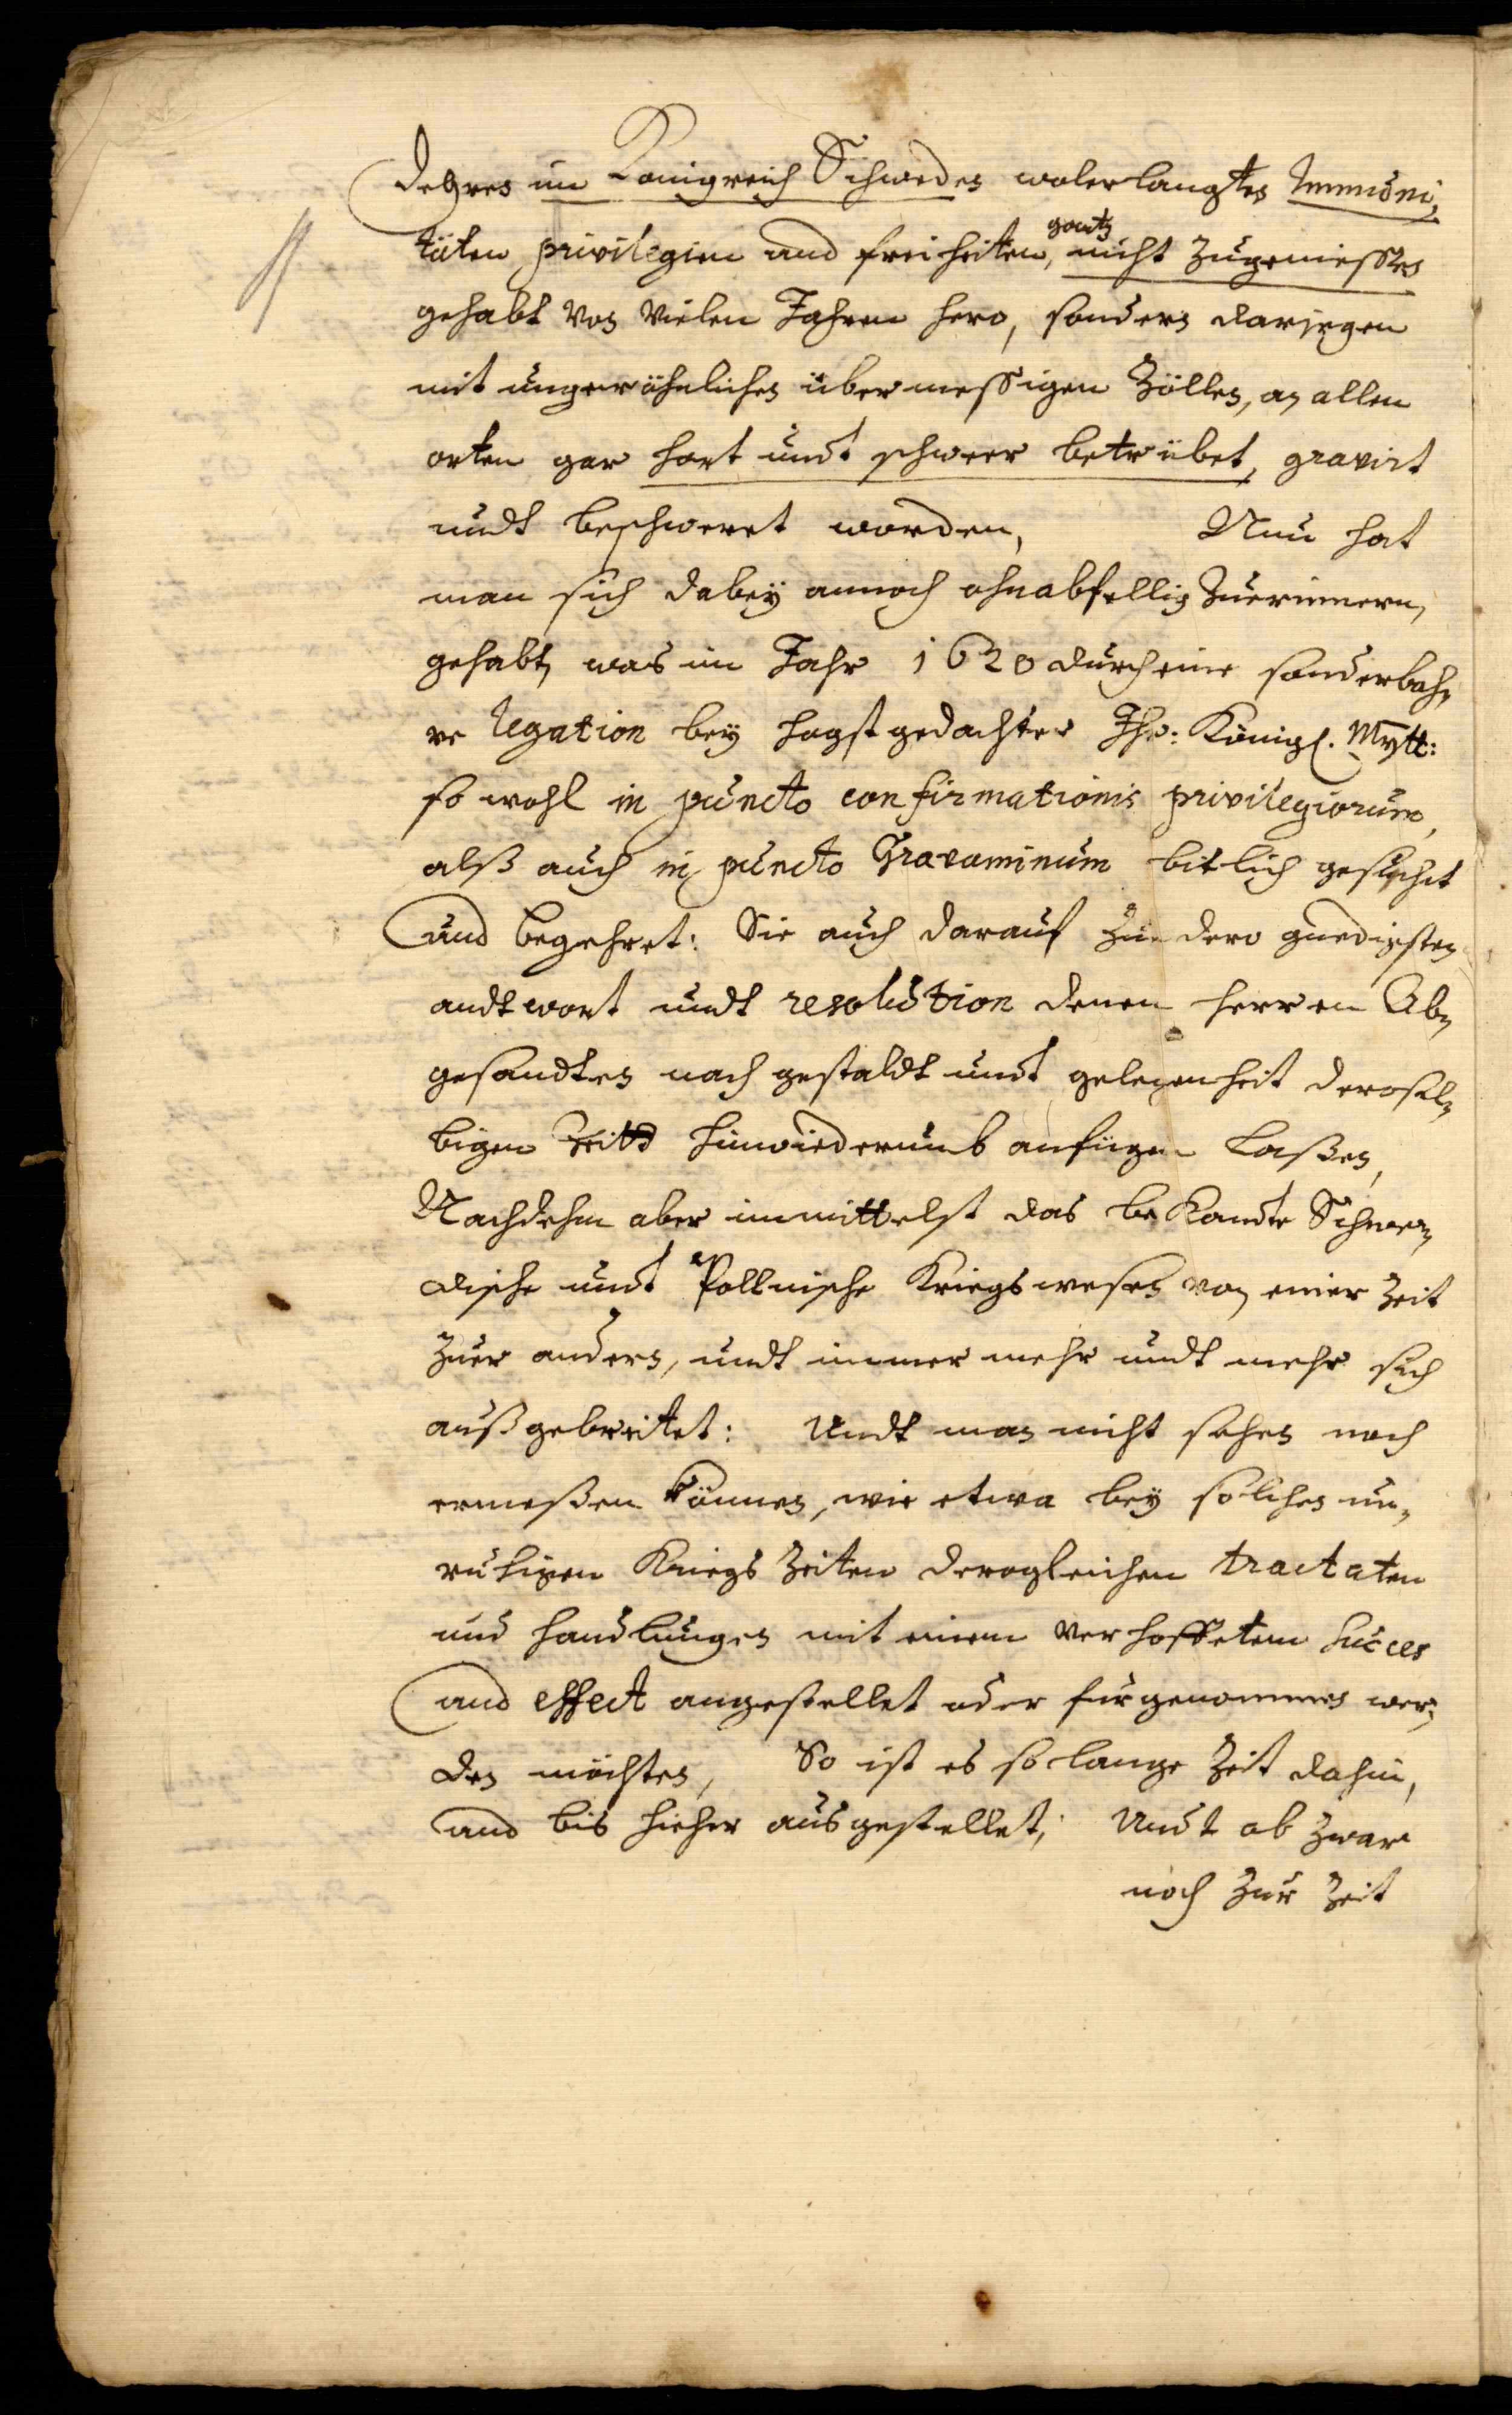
dehren im Konigreich Schweden wolerlangten Immuni¬
gantz
täten privilegien und freiheiten, nicht zugeniessen
gehabt von vielen Jahren hero, sondern dariegen
mit ungewöhnlichen übermessigen Zöllen, an allen
orten gar hart undt schweer betrübet, gravirt
undt beschweret worden, Nun hat
man sich dabeij amnoch ohnabfellig zuerinnern,
gehabt, was im Jahr 1620 durch eine sonderbah¬
re Legation beij hogstgedachter Ihr: Königl. Mytt:
so wohl in puncto confirmationis privilegiorum,
alß auch in puncto Gravaminum bitlich gesuchet
und begehret: Sie auch darauf zue dero gnedigsten
andtwort undt resolution denen herren Ab¬
gesandten nach gestaldt undt gelegenheit derosel¬
bigen Zeitt hinwiederumb anfügen laßen,
Nachdehm aber immittelst das bekandte Schwe¬
dische undt Pollnische Kriegswesen von einer zeit
zuer andern, undt immer mehr undt mehr sich
außgebreitet: Undt man nicht sehen noch
ermeßen können, wie etwa beij solchen un¬
ruhigen Kriegs Zeiten derogleichen tractaten
und handlungen mit einem verhoffetem Succes
und effect angestellet oder furgenommen wer¬
den möchten, so ist es so lange Zeit dahin,
und bis hieher aus gestelltet; Undt ab zwar
noch zur zeit
